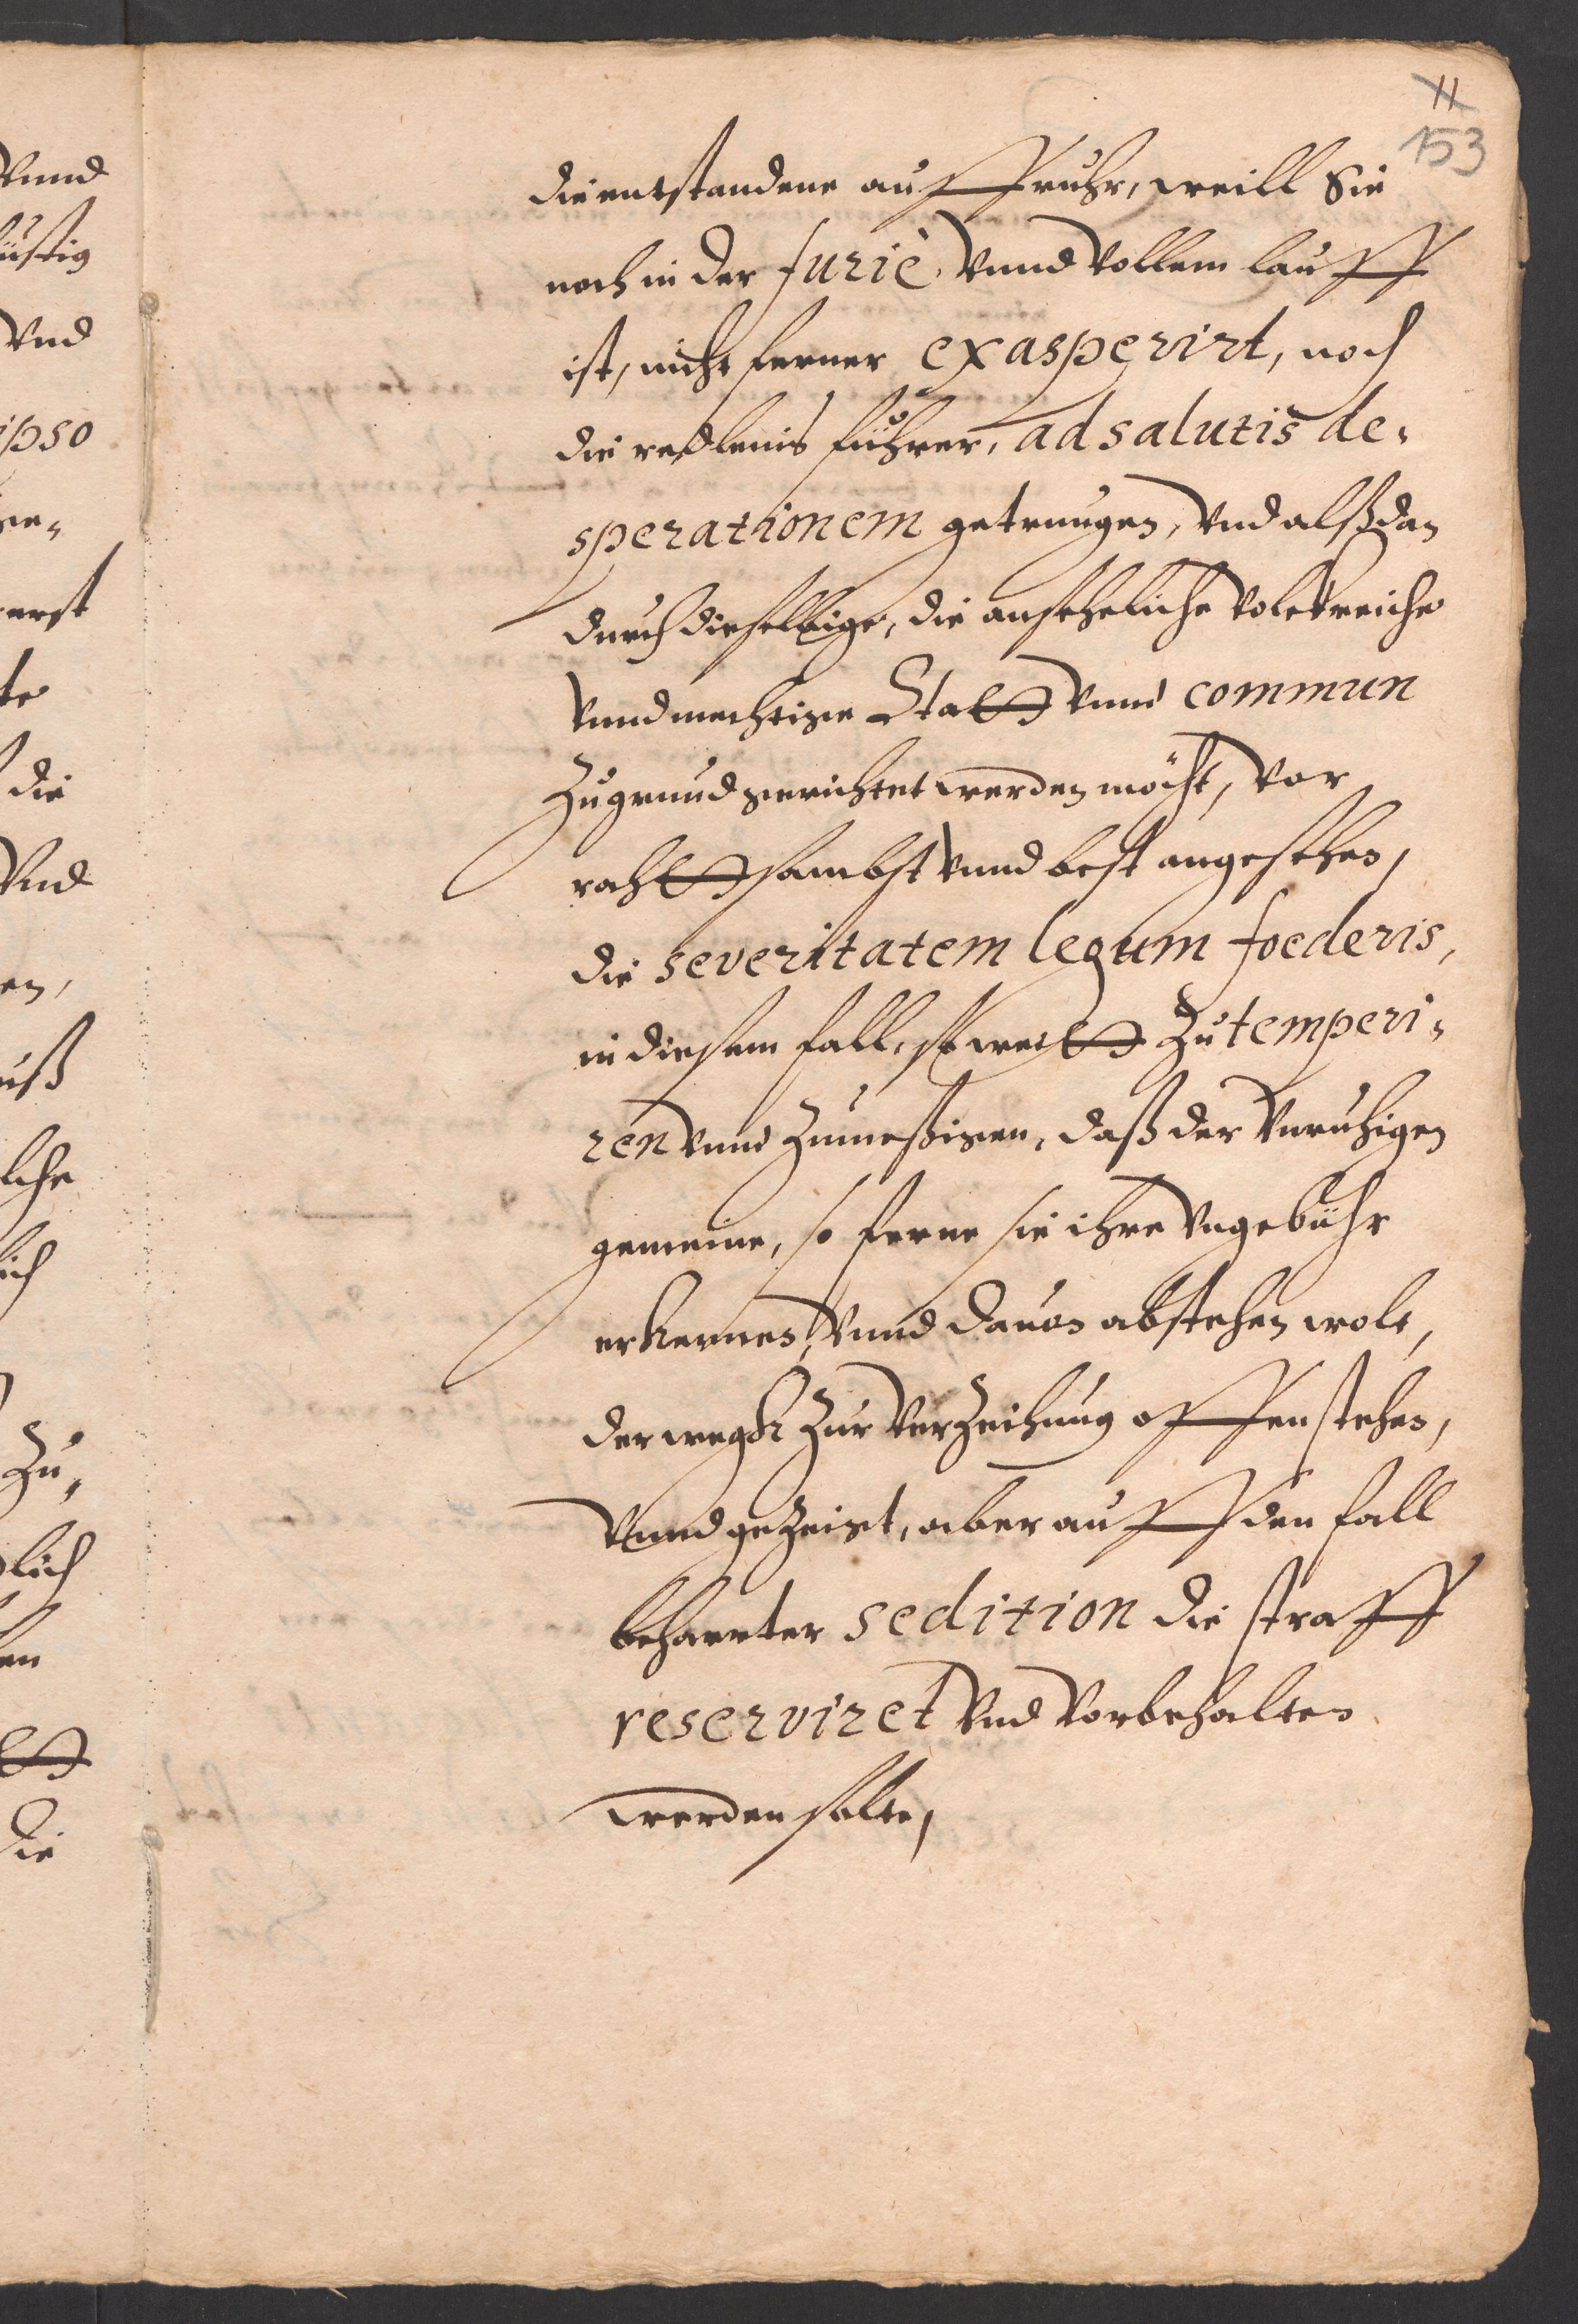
11
die entstandene auffruhr, weill Sie
noch in der furie, vnnd vollem lauff
ist, nicht ferner exasperirt, noch
die redleins führer, ad salutis de¬
sperationem getrungen, vnd alßdan
durch dieselbige, die anseheliche volckreiche
vnd mechtige Statt vnnd commun
zugrund gerichtet werden möcht, vor
rahttsambst vnnd best angesehen,
die severitatem legum foederis,
in diesem fall, soweitt zu temperi¬
ren vnnd zumeßigen, daß der vnruhigen
gemeine, so ferne sie ihre vngebühr
erkennen, vnnd davon abstehen wolt,
der wegk zur verzeihung offen stehen,
vnnd gezeigt, aber auff den fall
beharrter sedition die straff
reserviret vnd vorbehalten
werden solte,
